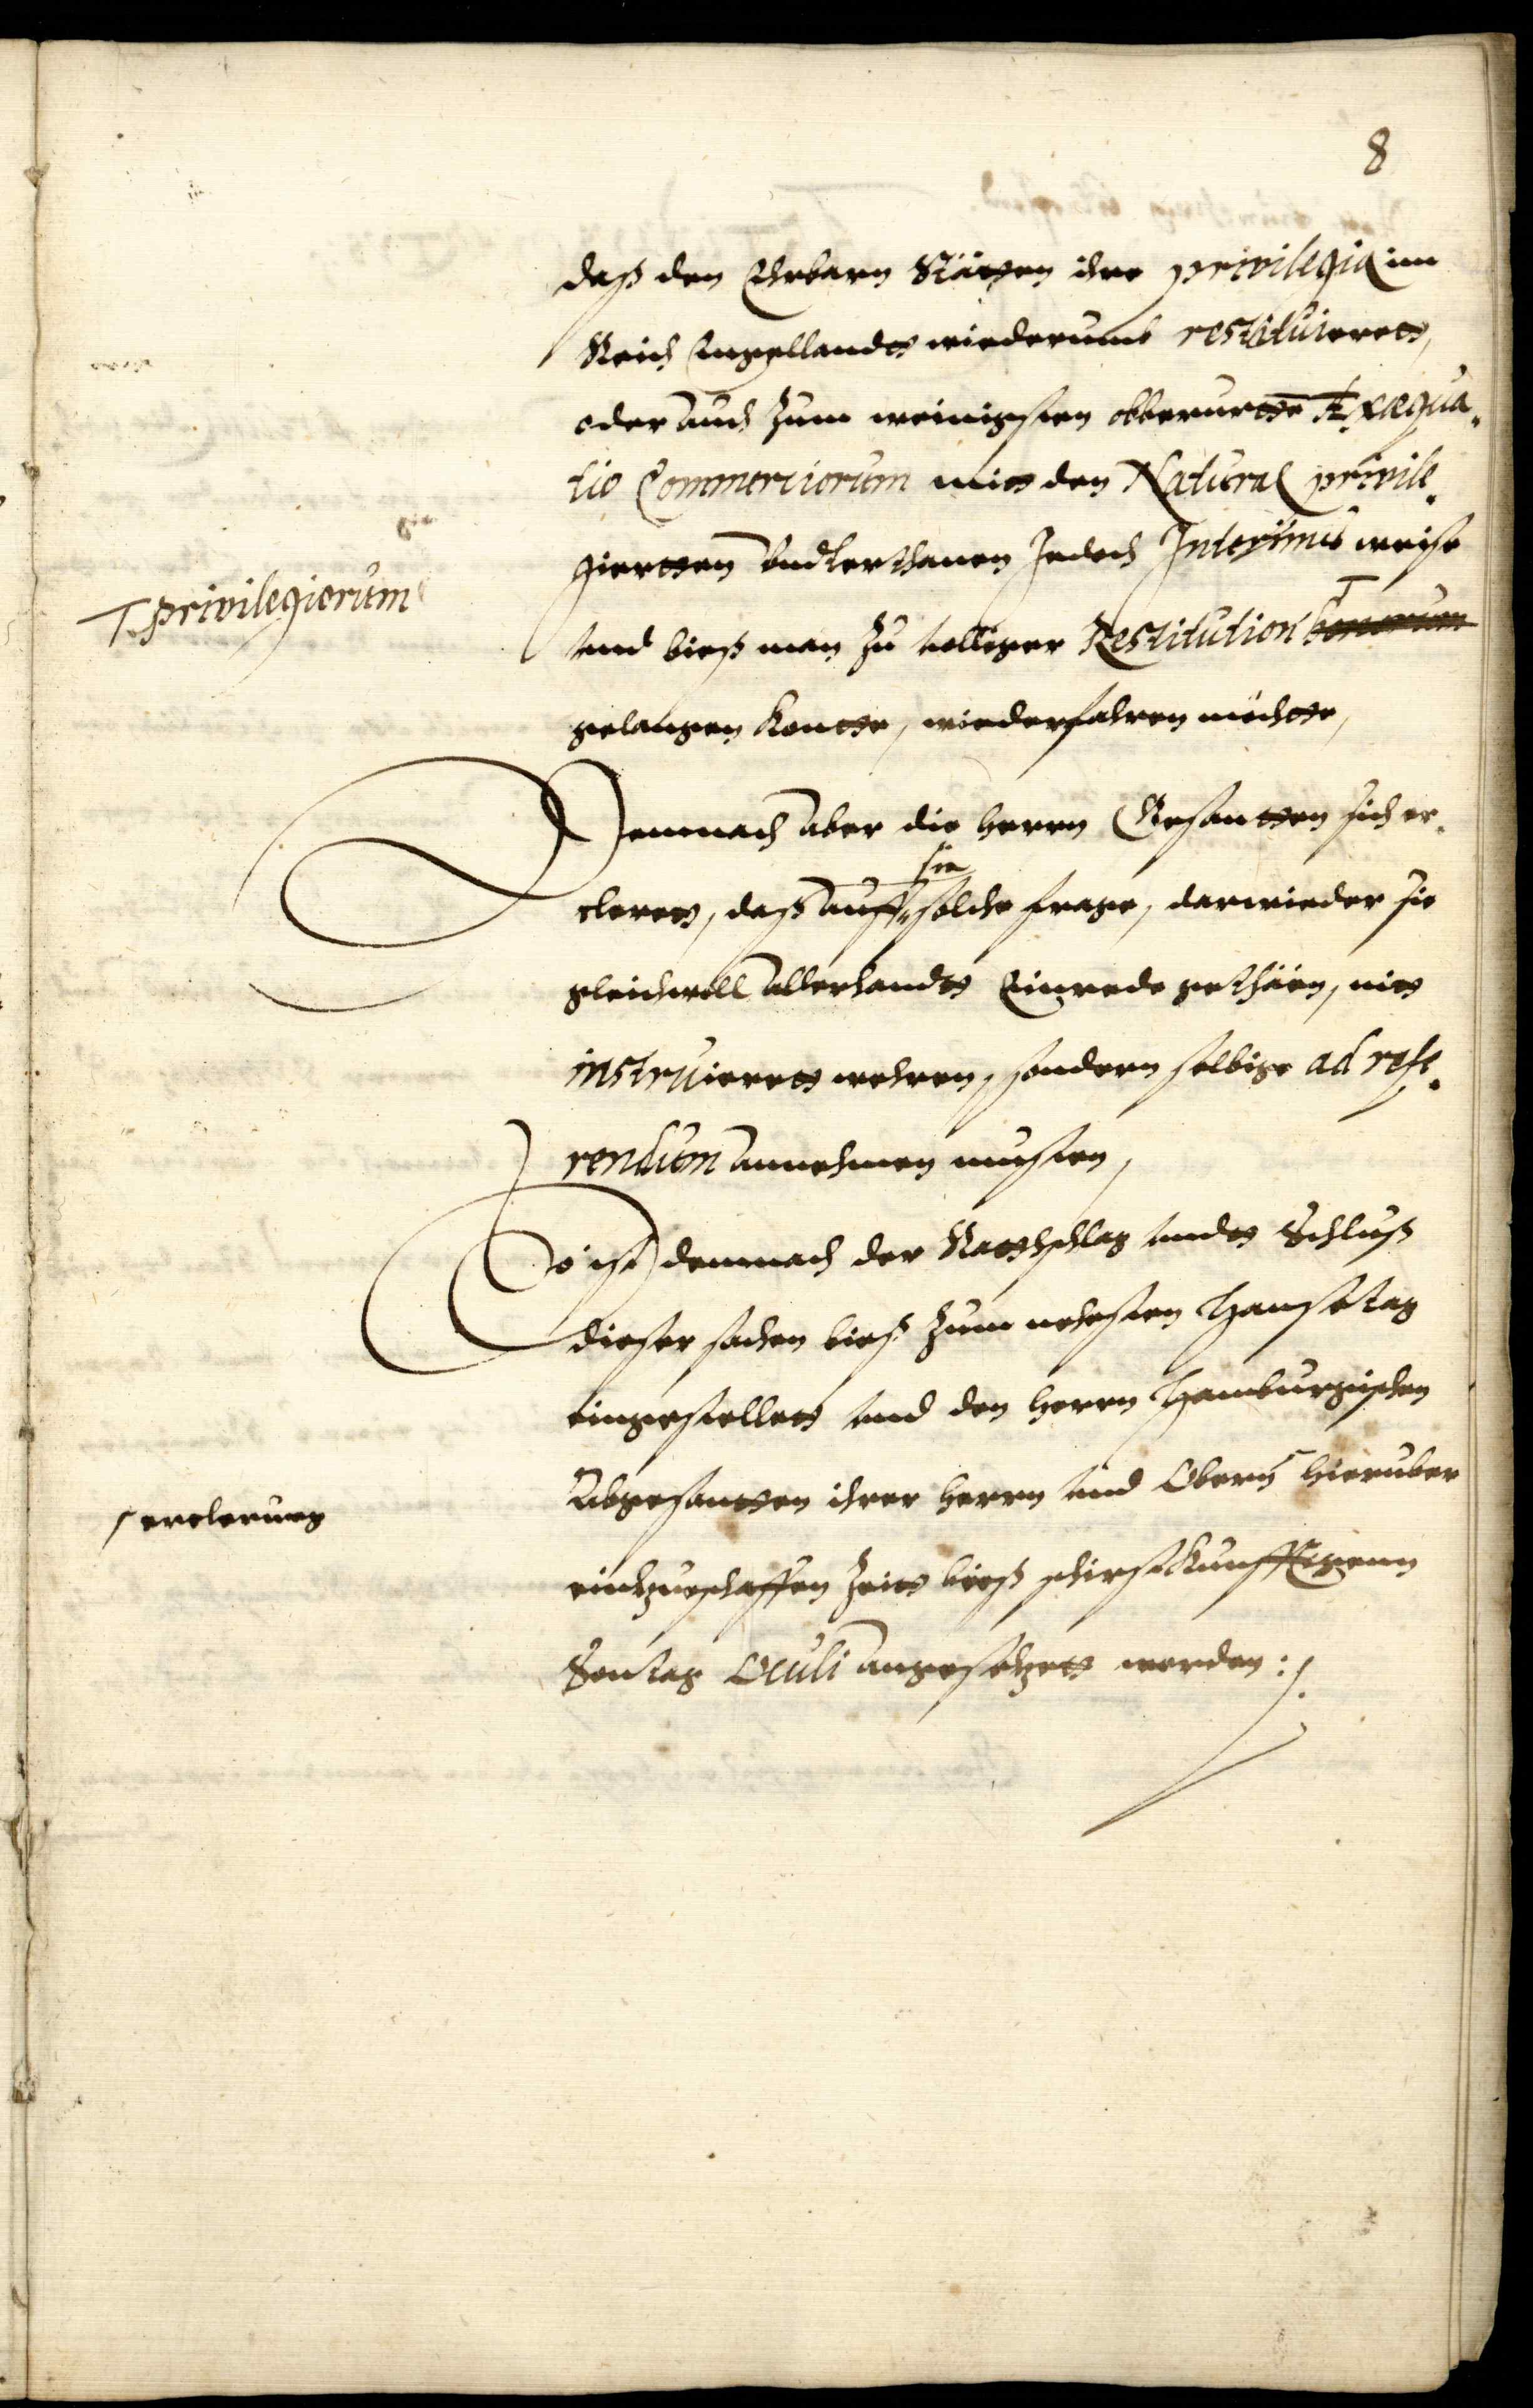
8
daß den Ehrbarn Stätten ihre privilegia im
Reich Engellandtt wiederumb restituierett,
oder Auch zum weinigsten obberurtte Exæqua¬
tio Commerciorum mitt den Natural privile¬
giertten Vndterthanen Jedoch Interimis weise
vnd bieß man zu volliger Restitution T kommen
gelangen kontte, wiederfahren möchtte,
T privilegiorum
Demnach aber die herrn Gesantten sich er¬
clerett, daß Auff sie solche frage, darwieder sie
gleichwoll Allerhandtt Einrede gethäen, nitt
instruierett wehren, sondern selbige ad refe¬
rendum annehmen musten,
So ist demnach der Ratthschlag vndtt Schluß
dieser sachen bieß zum nehesten Hansetag
eingestellett vnd den herrn Hamburgischen
Abgesantten ihrer herrn und Obern I hieruber
eintzueschaffen zeitt bieß schirstkunfftigenn
Sontag Oculi angesetzett worden :/.
I erclerung
